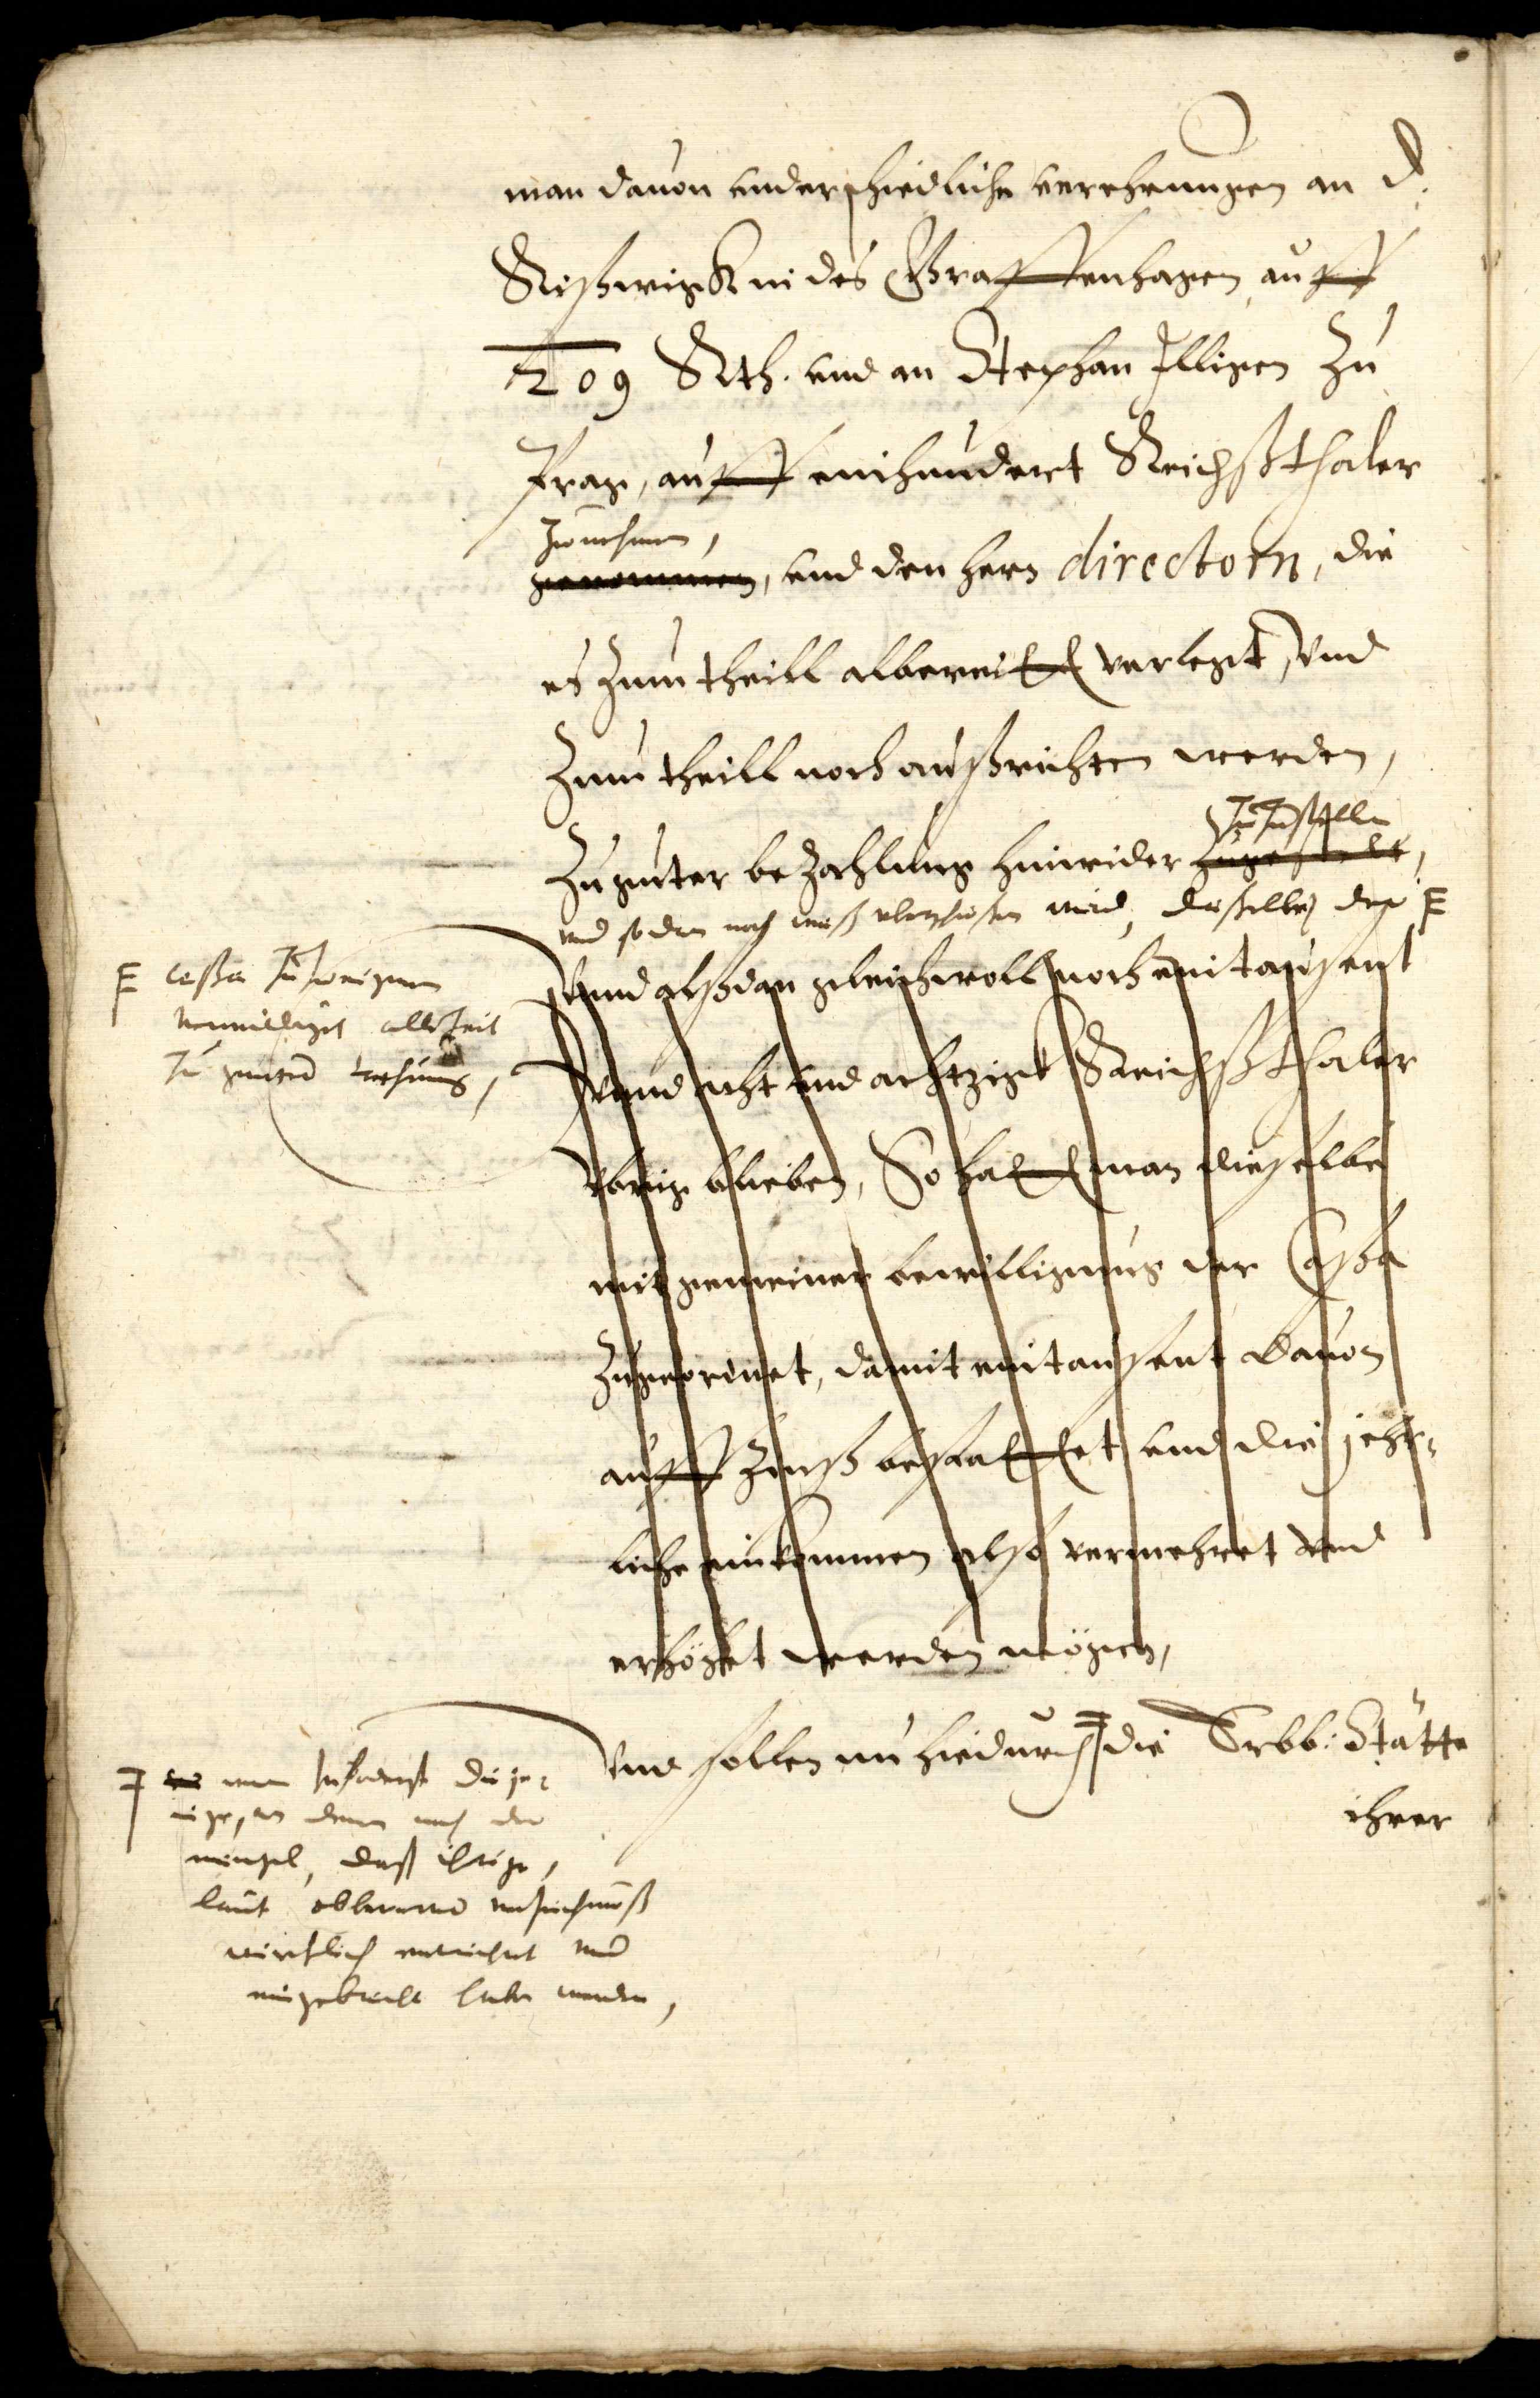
* Caßa ZuZueignen
verwilliget alleZeit
Zu gutter rechnung
vn wan insampt die je¬
nige, an denen noch der
mangel, daß ihrige,
laut obberwend verzeichnuß
wirklich entrichtet vnd
eingebracht haben werden,
man dauon vnderscheidliche verehrungen an d.
Rißwigk in des Graffenhagen auff
209 Rth: vnd an Stephan Illigen Zu
Prag auff einhundert Reichßthaler
zunehmen,
genommen, vnd den hern directorn , die
es zum theill albereitt verlegt, Vnd
Zum theill noch außrichten werden,
ZuZustellen
Zu guter bezahlung hinwider Zugestellt
vnd sodan noch waß vberschießen wird, daßelben der *
Vnnd alßdan gleichwoll noch eintausent
Vnd acht vnd achtziget Reichßthaler
Vbrig bleiben, So hatt man dieselbe
mit gemeiner bewilligung der Caßa
zugeordnet, damit eintausent davon
auff zinß bestallet vnd die jehr¬
liche einkommen also vermehret vnd
erhöhet werden mögen
Vnd sollen nu hirdurch * die Erbb: Stätte
ihrer
